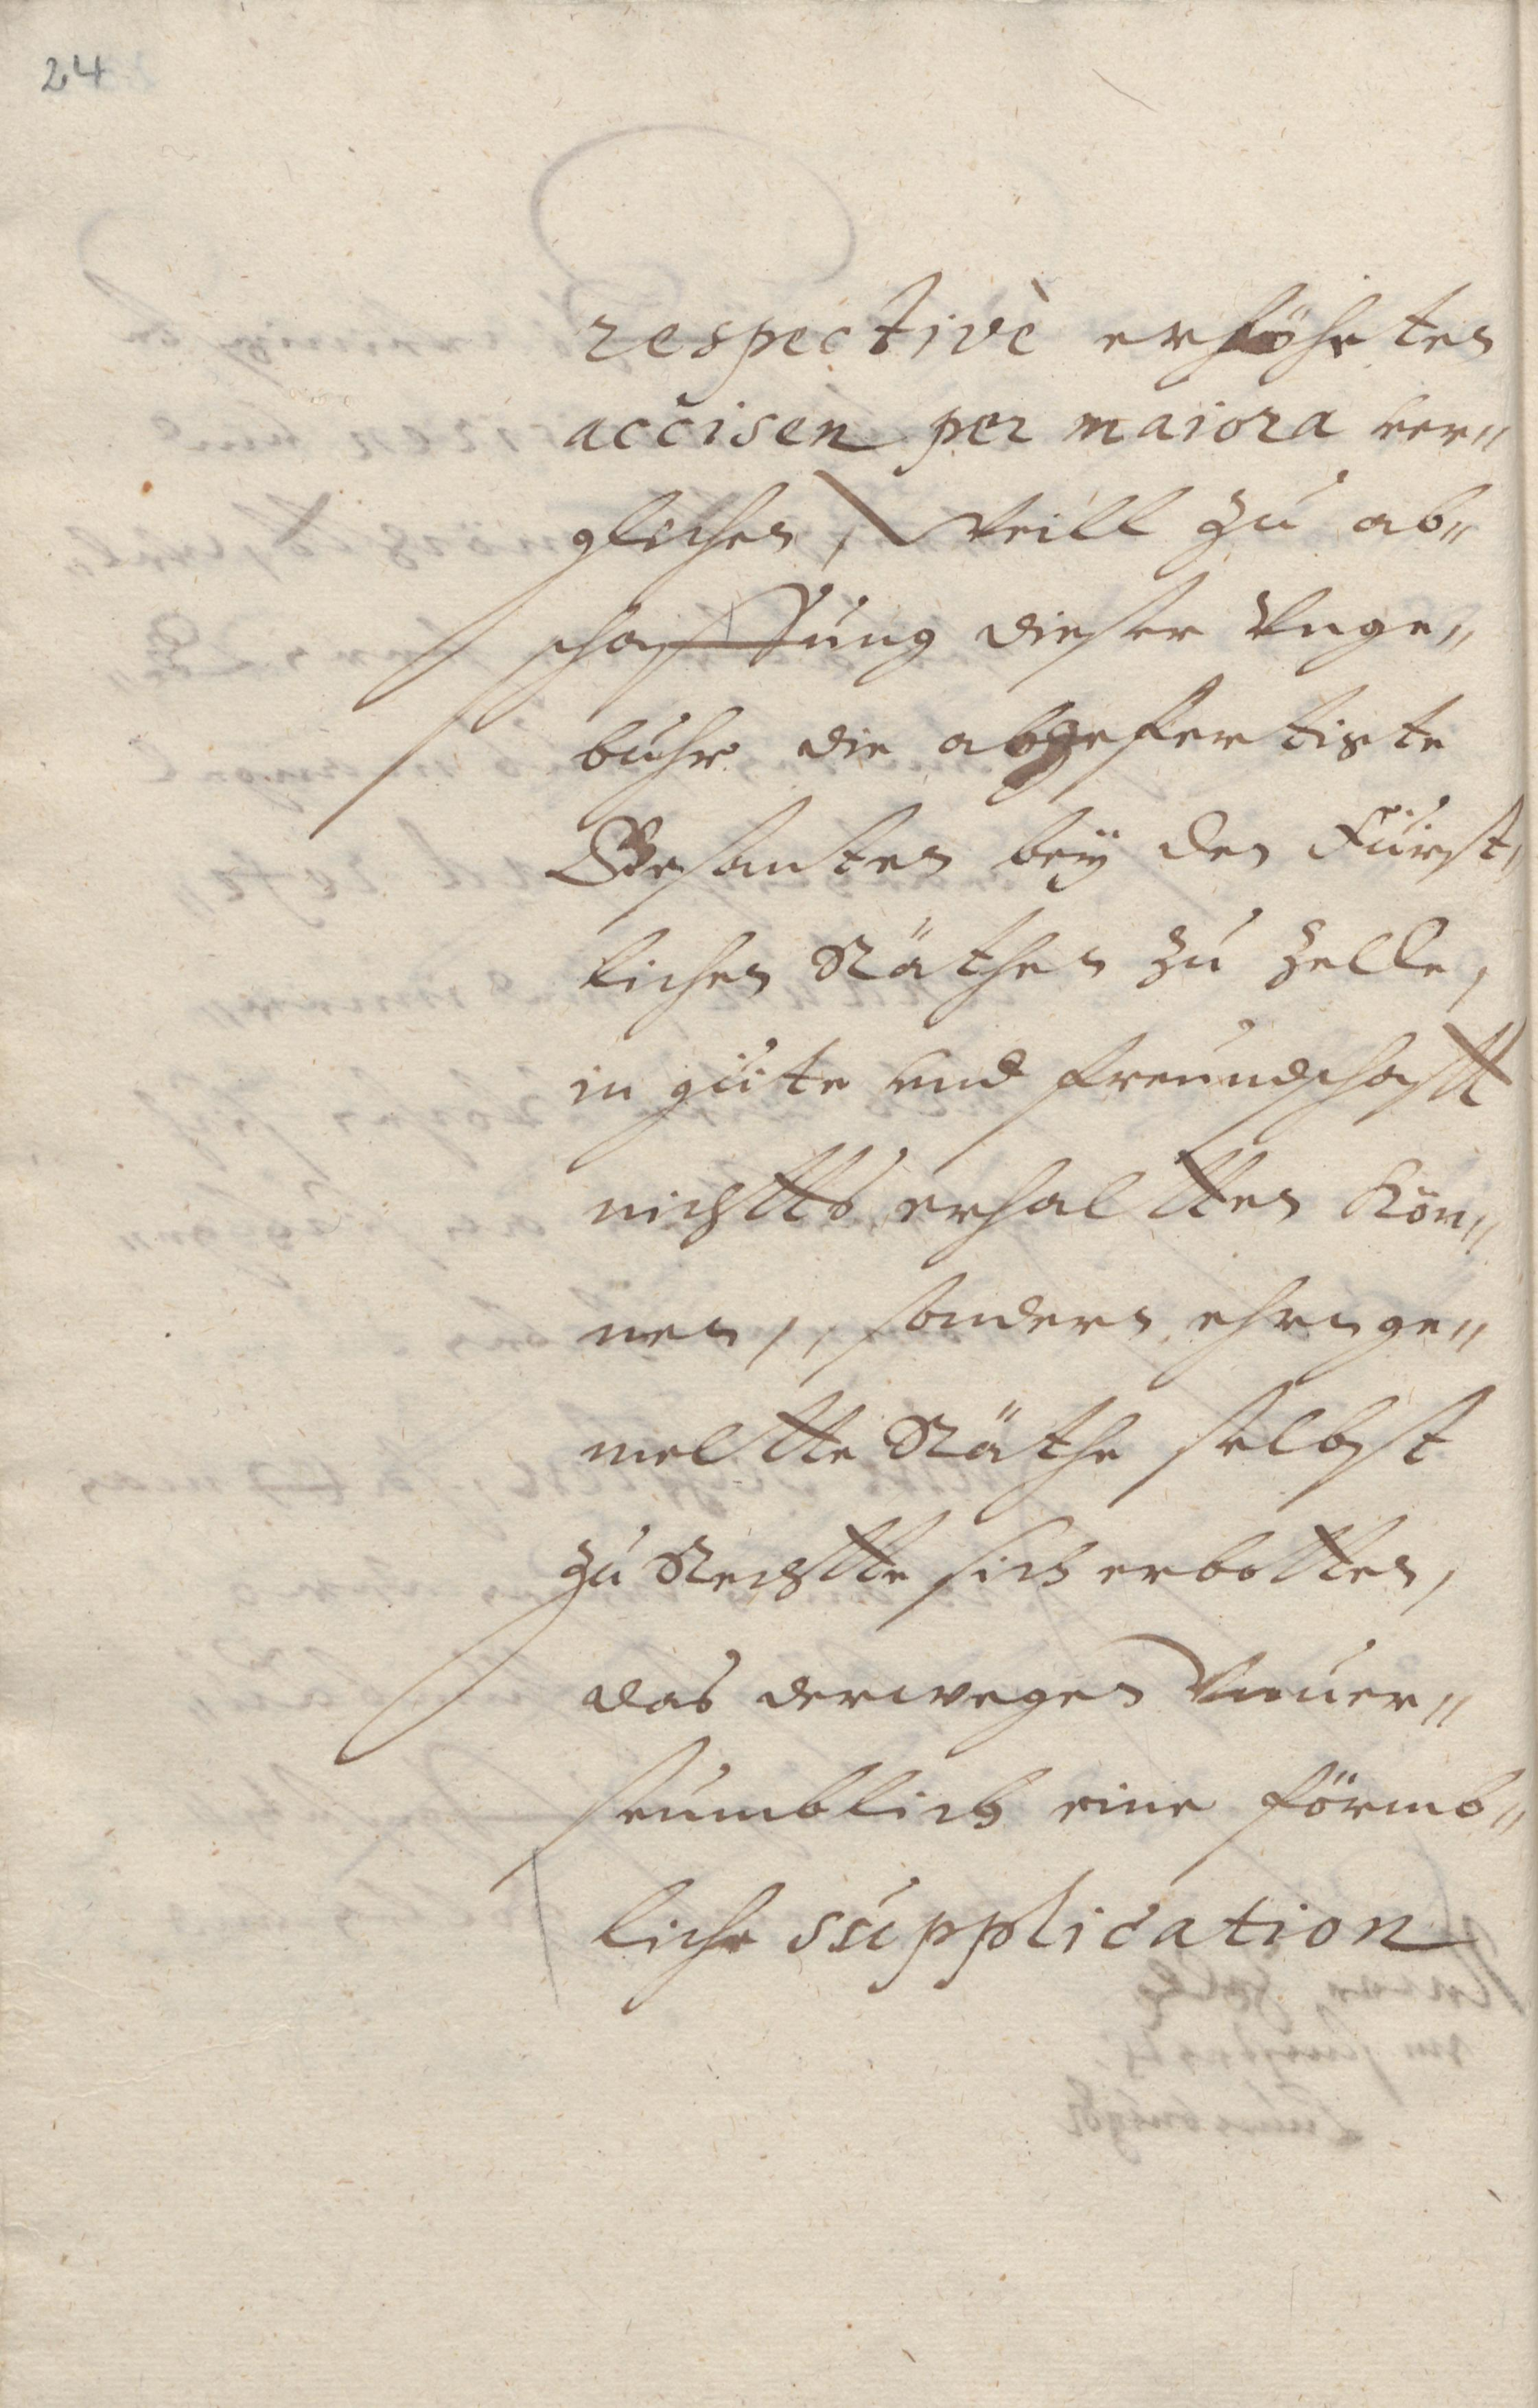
respective erhöheten
accisen per maiora ver¬
glichen, Weill zu ab¬
schaffung dieser Vnge¬
buhr die abgefertigte
Gesanten beij den fürst¬
lichen Räthen zu Zelle,
in güte vnd freundschafft
nichtts erhaltten kön¬
nen, sondern ehrn ge¬
meltte Räthe selbst
zu Rechtte sich erbotten,
das derwegen Vnuer¬
seumblich eine förmb¬
liche supplication
